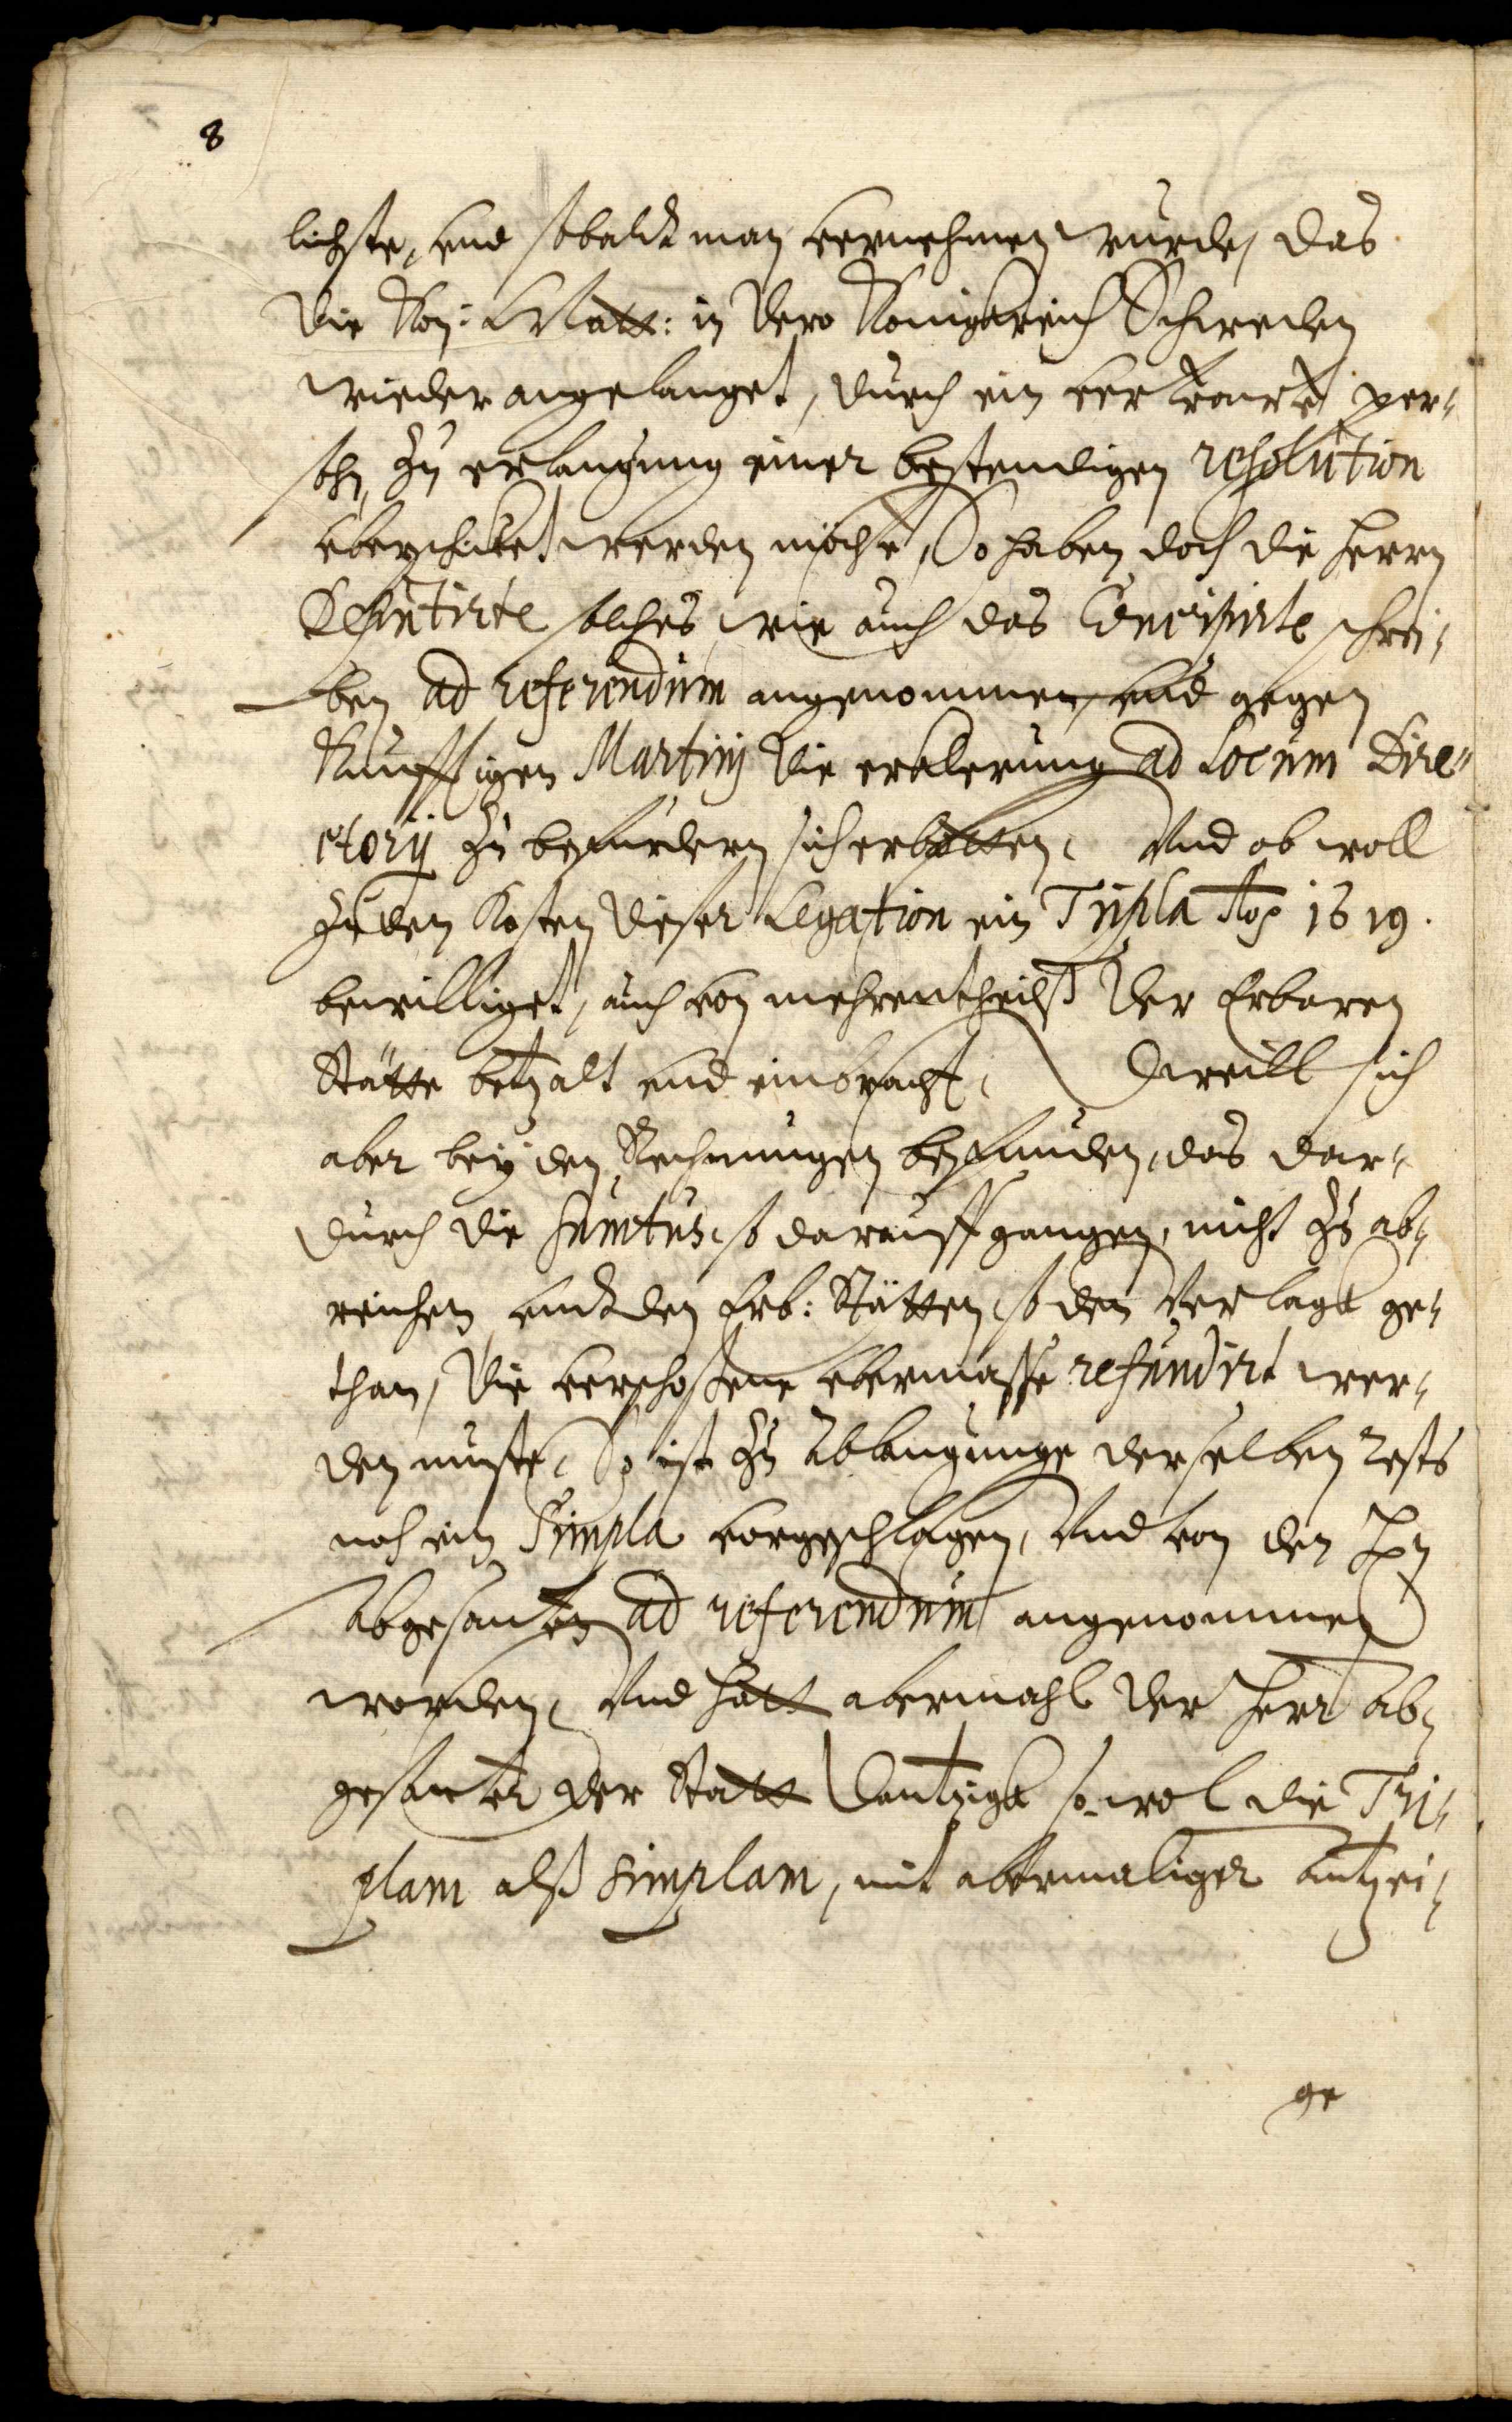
8
lichste, vnd sobaldt man vernehmen wurde, das
die Kon: Matt: in dero Konigkreich Schweden
wieder angelanget, durch ein vertrawte per¬
sohn, Zu erlangung einer bestendigen resolution
vberschicket werden möchte, So haben doch die herrn
Deputirte solches wie auch das Concipirte schrei¬
ben ad referendum angenommen, Vnd gegen
Kunfftigen Martinij die erklerung ad Locum Dire¬
ctorij zu befurdern sich erbetten, Vnd ob woll
Zu den kosten dieser Legation ein Tripla Aō p i619.
bewilliget, auch von mehrentheilß der Erbaren
Stätte betzalt vnd einbracht, deweill sich
aber beij den Rechnungen befunden, das dar¬
durch die Sumtus so darauff gangen, nicht Zu ab¬
reichen vnd den Erb: Stätten, so den Verlagk ge=
than, die verschoßene vbermaße refundirt wer=
den muste, So ist zu ablangunge derselben rests
noch ein Simpla vorgeschlagen, Vnd von den Hen
Abgesanten ad referendum angenommen
worden, Vnd hatt abermahl der Herr Ab¬
gesante der statt Dantzigk so wol die Tri¬
plam alß simplam, mit abermaliger antzei¬
ge
